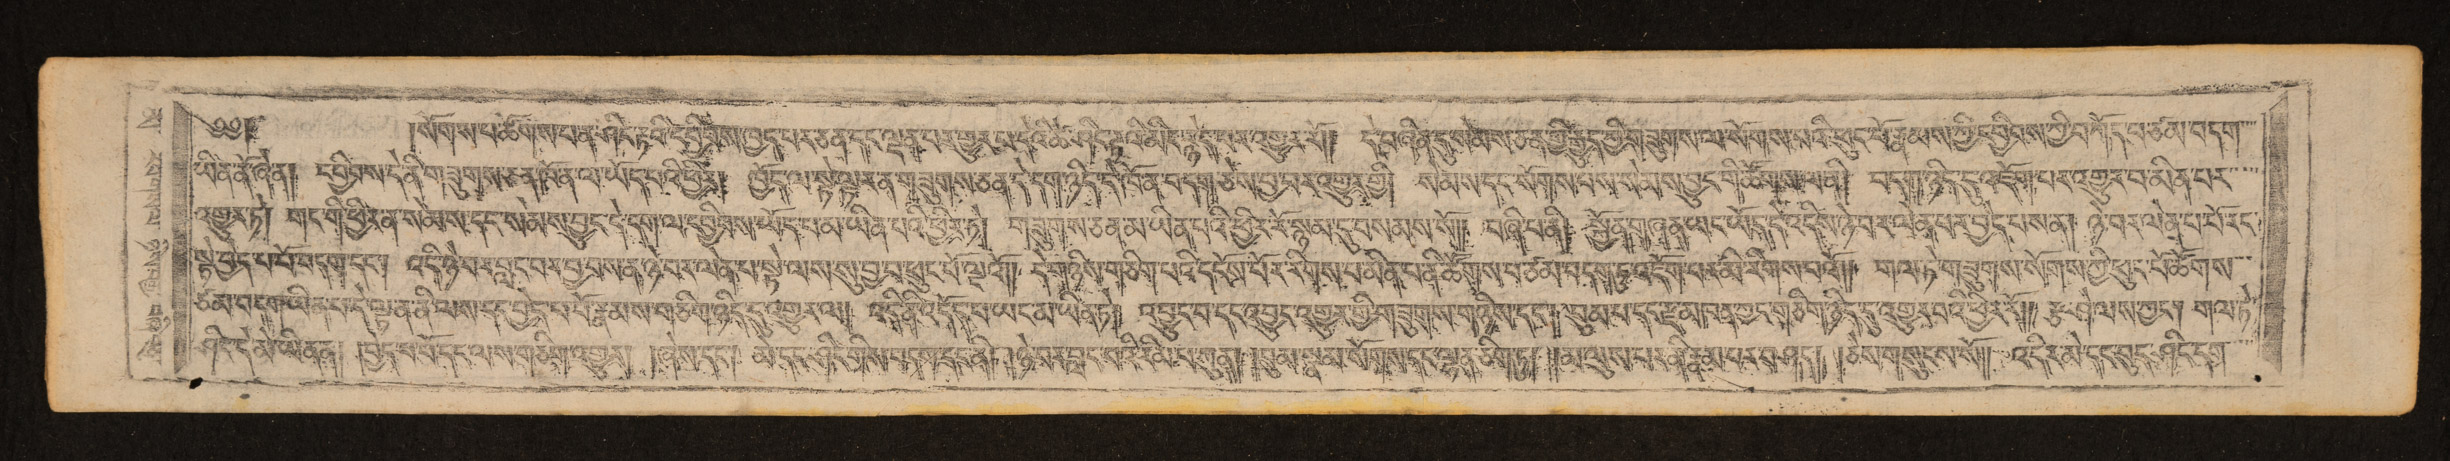༄༅། །སོགས་པ་ཚོགས་པ་ན་ཤིང་རྟའི་དབྱིབས་ཁྱད་པར་ཅན་དང་ལྡན་པར་གྱུར་པ་དེའི་ཚེ་ཤིང་རྟའི་མིང་རྙེད་པར་འགྱུར་རོ།། དེ་བཞིན་དུ་སེམས་ཅན་གྱི་རྒྱུད་ཀྱི་གཟུགས་ལ་སོགས་པའི་ཕུང་པོ་རྣམས་ཀྱི་དབྱིབས་ཀྱི་བཀོད་པ་ཙམ་བདག་
ཡིན་ནོ་ཞེ་ན། དབྱིབས་དེ་ནི་གཟུགས་ཅན་ཁོ་ན་ལ་ཡོད་པའི་ཕྱིར། ཁྱོད་ལ་སྟེ་ལྟར་ན་གཟུགས་ཅན་དེ་དག་ཉིད་དེ་ཁོ་ན་བདག་ཅེས་བྱ་བར་འགྱུར་གྱི། སེམས་དང་སོགས་པས་སེམས་བྱུང་གི་ཚོགས་ལ་ནི། བདག་ཉིད་དུ་འཇོག་པར་འགྱུར་བ་མིན་པར་
འགྱུར་ཏེ། གང་གི་ཕྱིར་ན་སེམས་དང་སེམས་བྱུང་དེ་དག་ལ་དབྱིབས་ཡོད་པ་མ་ཡིན་པའི་ཕྱིར་ཏེ། གཟུགས་ཅན་མ་ཡིན་པའི་ཕྱིར་རོ་སྙམ་དུ་བསམས་སོ།། བཞི་པ་ནི། སྐྱོན་གཞན་ཡང་ཡོད་དེ་འདིས་ཉེ་བར་ལེན་པར་བྱེད་པས་ན། ཉེ་བར་ལེན་པ་པོ་རང་
སྟེ་བྱེད་པ་པོ་བདག་དང་། འདི་ཉེ་བར་བླང་བར་བྱ་བས་ན་ཉེ་བར་ལེན་པ་སྟེ་ལས་སུ་བྱ་བ་ཕུང་པོ་ལྔའོ།། དེ་གཉིས་གཅིག་པའི་དངོས་པོར་རིགས་པ་མིན་པ་ནི་ཚོགས་པ་ཙམ་བདག་ཏུ་འཇོག་པར་མི་རིགས་པའོ།། གལ་ཏེ་གཟུགས་སོགས་ཀྱི་ཕུང་པོ་ཚོགས་
ཙམ་བདག་ཡིན་པ་དེ་ལྟ་ན་ནི་ལས་དང་བྱེད་པ་པོ་རྣམས་གཅིག་ཉིད་དུ་འགྱུར་ལ། འདི་ནི་འདོད་པ་ཡང་མ་ཡིན་ཏེ། འབྱུང་བ་དང་འབྱུང་འགྱུར་གྱི་གཟུགས་གཉིས་དང་། བུམ་པ་དང་རྫ་མཁན་ཀྱང་གཅིག་ཉིད་དུ་འགྱུར་བའི་ཕྱིར་རོ།། རྩ་ཤེ་ལས་ཀྱང་། གལ་ཏེ་
ཤིང་དེ་མེ་ཡིན་ན། །བྱེད་པ་པོ་དང་ལས་གཅིག་འགྱུར། །ཞེས་དང་། མེ་དང་ཤིང་གིས་བདག་དང་ནི། །ཉེ་བར་བླང་བའི་རིམ་པ་ཀུན། །བུམ་སྣམ་སོགས་དང་ལྷན་ཅིག་ཏུ། །མ་ལུས་པར་ནི་རྣམ་པར་བཤད། །ཅེས་གསུངས་སོ།། འདིར་མེ་དང་བུད་ཤིང་དག་